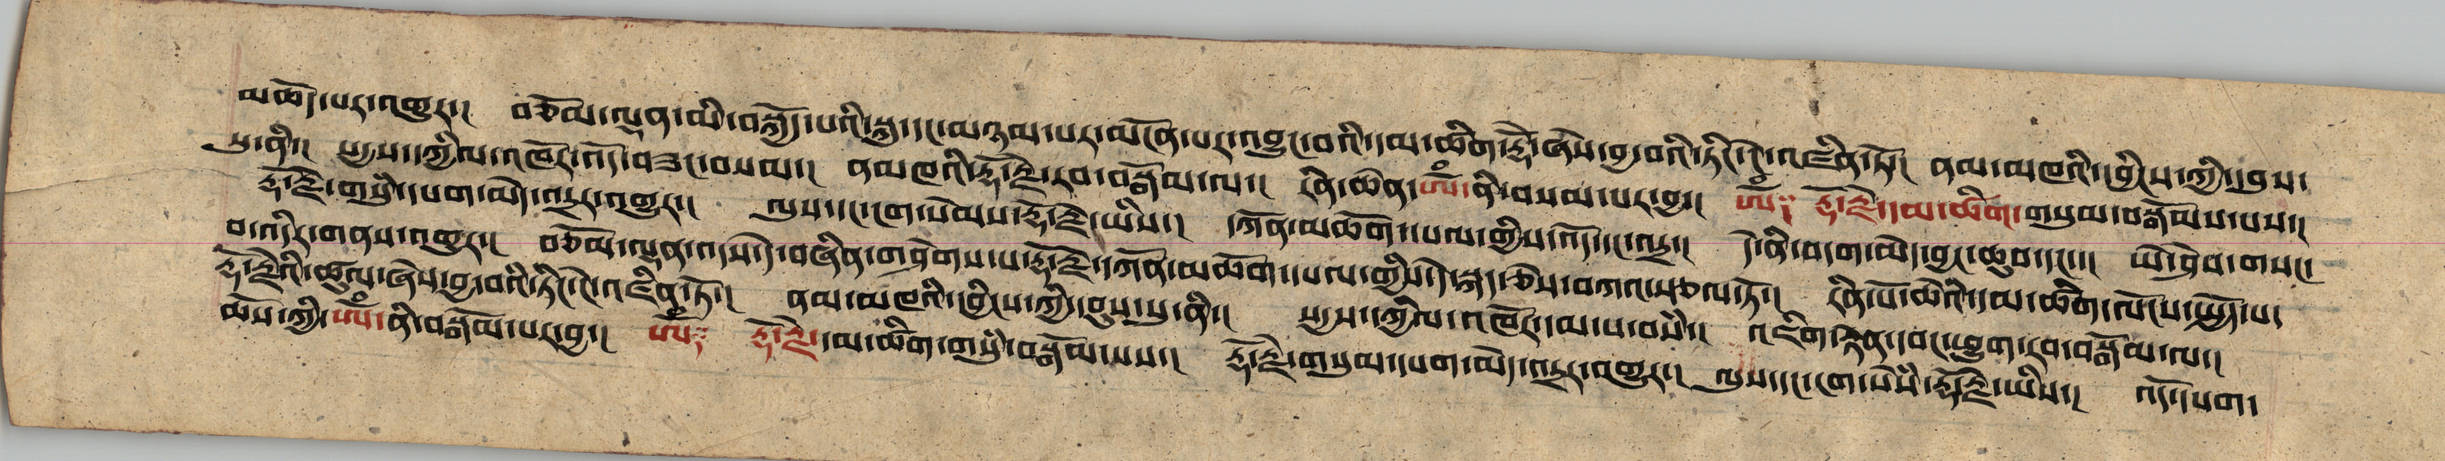མཆོད་པར་འགྱུར་། བཅོམ་ལྡན་འདས་མི་བསྐྱོད་པའི་སྐུ་དང་མཉམ་པར་མངོན་པར་འབྱུང་བའི་དམ་ཚིག་རྡོེ་ཞེས་བྱ་བའི་ཏིང་ངེ་འཛིན་ཏོ་། ནམ་མཁའི་དབྱིངས་ཀྱི་དབུས་
སུ་ནི་། སདྱས་དཀྱིལ་འཁོར་འདོ་བཟང་བསམ་། ནམཁའི་རྡོ་རྗེ་རབ་བསྒོམ་ལ་། རིན་ཆེན་ཨོཾ་ནི་བསམ་པར་བྱ་། ཨོཾ༑ རྡོ་རྗེ་དམ་ཚིག་གསུམ་བསྒོམས་པས་
རྡོ་རྗེ་གསུཾ་དཔག་མེད་འདྲར་འགྱུར་། ལུས་དང་ངག་སེམས་རྡོ་རྗེ་ཡིས་། དཀོན་མཆོག་དཔལ་གྱིས་འོད་དང་འདྲ་། དེ་ནི་བདག་མེད་བྱང་ཆུབ་དང་་། ཡེ་ཤེས་གསང་
བ་འདིར་གནས་འགྱུར་། བཅོམ་ལྡན་འདས་དེ་བཞིན་གཤེགས་པ་རྡོ་རྗེ་དཀོན་མཆོག་དཔལ་གྱིས་དེ་སྐད་ཅེས་བཀའ་སྩལ་ཏོ་། རིན་པོ་ཆེའི་དམ་ཚིག་ལོངས་སྤྱོད་པ་
རྡོ་རྗེའི་ཚུལ་ཞེས་བྱ་བའི་ཏིང་ངེ་འཛིན་ཏོ་། ནམ་མཁའི་དབྱིངས་ཀྱི་དབུས་སུ་ནི་། སདྱས་དཀྱིལ་འཁོར་དམ་པ་བསཾ་། འཇིག་རྟེན་དབང་ཕྱུག་རབ་བསྒོམ་ལ་།
ཆོས་ཀྱི་ཨོཾ་ནི་བསྒོམ་པར་བྱ་། ཨོཾ༑ རྡོ་རྗེ་དམ་ཚིག་གསུཾ་བསྒོམ་པས་། རྡོ་རྗེ་གསུམ་དཔག་མེད་འདྲར་འགྱུར་། ལུས་དང་ངག་སེཾས་རྡོ་རྗེ་ཡིས་། འོད་དཔག་